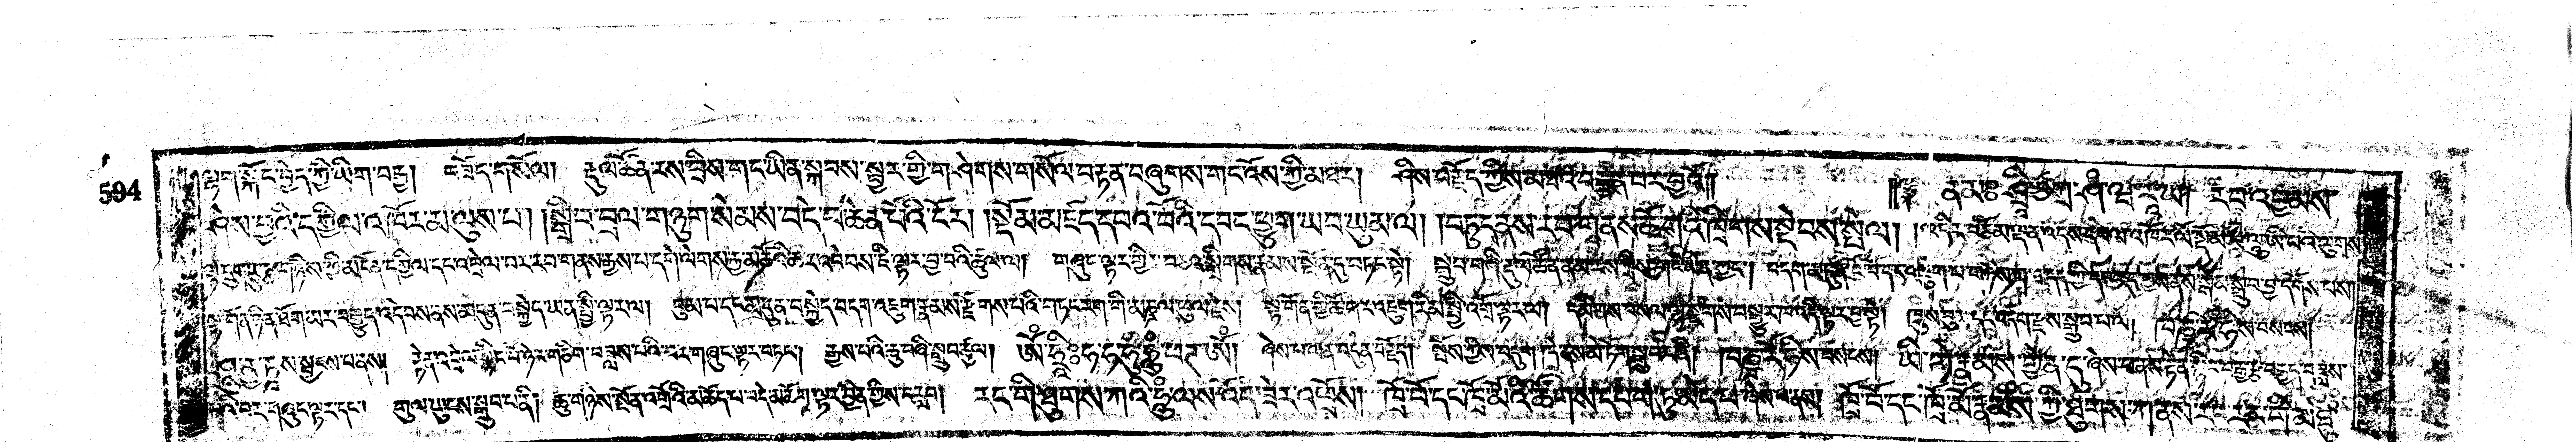ལྷག་སྐོང་བྱེད་ཀྱི་ཡིག་བརྒྱ། བཟོད་གསོལ། རྡུལ་ཚོན་རས་བྲིས་གང་ཡིན་སྐབས་སྦྱར་གྱི་གཤེགས་གསོལ་བརྟན་བཞུགས་གང་འོས་ཀྱི་མཐར། ཤིས་བརྗོད་ཀྱིས་མཐའ་བརྒྱན་པར་བྱའོ།། །།འ་ན་མཿ ཤྲཱི་ཙཀྲ་ཤཾ་ཝ་རཱ་ཡ། རབ་འབྱམས་
ཤེས་བྱའི་དཀྱིལ་འཁོར་མ་ལུས་པ། །སྒྲིབ་བྲལ་གཉུག་སེམས་བདེ་བ་ཆེན་པོའི་ངོར། །སྡོམ་མཛད་དཔའ་བོའི་དབང་ཕྱུག་ཡབ་ཡུམ་ལ། །བཏུད་ནས་རབ་གནས་ཆོ་གའི་ཁྲིགས་སྡེ་བས་སྤེལ། །འདིར་བཅོམ་ལྡན་འདས་དཔལ་འཁོར་ལོ་སྡོམ་པ་ལཱུ་ཨི་པའི་ལུགས་
ལྷ་དྲུག་ཅུ་རྩ་གཉིས་ཀྱི་མངོན་དཀྱིལ་དང་འབྲེལ་བར་རབ་གནས་རྒྱས་པ་དགེ་ལེགས་རྒྱ་མཚོའི་ཆར་འབེབས་ཇི་ལྟར་བྱ་བའི་ཚུལ་ལ། གཞུང་ལྟར་གྱི་བཅའ་སྒྲིགས་རྣམས་སྔོན་དུ་བཏང་སྟེ། སྒྲུབ་གཞི་རྡུལ་ཚོན་ནམ་རས་བྲིས་གང་ཡིན་ཀྱང་། བདག་མདུན་ངོ་བོ་དང་འཇུག་པ་གཉིས་ཀ་ཐ་དད་ཀྱི་དབང་དུ་བྱས་ནས་སྒོམ་སྒྲུབ་བྱ་དགོས་པས།
སྟ་གོན་ཉིན་ཐོག་མར་བརྒྱུད་འདེབས་ནས་མདུན་བསྐྱེད་ཡན་སྤྱི་ལྟར་ལ། བུམ་པ་དང་མདུན་བསྐྱེད་བདག་འཇུག་རྣམས་རྫོགས་པའི་གཏང་རག་གི་མཎྜལ་ཕུལ་རྗེས། སྟ་གོན་གྱི་ཆོ་གར་འཇུག་རིམ་སྤྱི་འགྲོ་ལྟར་ལ། དམིགས་བསལ་ལྷ་སྔགས་བསྒྱུར་ཁ་འདི་ལྟར་བྱ་སྟེ། ཁྲུས་བུམ་དང་བདག་རྫས་སྒྲུབ་པ་ལ། ཁཎྜ་རོ་ཧི་ས་བསངས།
ཤཱུ་ནྱ་ཏཱས་སྦྱངས་པ་ནས། རྟེན་འབྲེལ་སྙིང་པོ་ཉེར་གཅིག་བཟླས་པའི་བར་གཞུང་ལྟར་བཏང་། རྒྱས་པའི་ཆུ་བཞི་སྒྲུབ་ཚུལ། ཨོཾ་ཧྲཱིཿཧ་ཧ་ཧཱུཾ་ཧཱུཾ་ཕཊ་ཨོཾ། ཞེས་པ་ལན་བདུན་བརྗོད། སྤོས་ཀྱིས་བདུག །དེ་ནས་མེ་ཏོག་སྒྲུབ་པ་ནི།  ཁཎྜ་རོ་ཧིས་བསངས།  ཡི་གེ་རྣམས་གྱེན་དུ་ཞེས་པ་ནས་རྟེན་སྙིང་བརྒྱ་རྩ་བརྒྱད་བཟླས་
པའི་བར་གཞུང་ལྟར་དང་། གུལ་ཡུངས་སྒྲུབ་པ་ནི། ཆུ་གཉིས་སྔོན་འགྲོའི་མཆོད་པ་བདེ་མཆོག་ལྟར་སྦྱིན་གྱིས་བརླབ། རང་གི་ཐུགས་ཀའི་ཧཱུཾ་ལས་འོད་ཟེར་འཕྲོས། ཁྲོ་བོ་དང་ཁྲོ་མོའི་ཚོགས་དཔག་ཏུ་མེད་པ་ཞེས་པ་ནས།  ཁྲོ་བོ་དང་ཁྲོ་མོ་རྣམས་ཀྱི་ཐུགས་ཀ་ནས་རང་རང་གི་མཐུ་